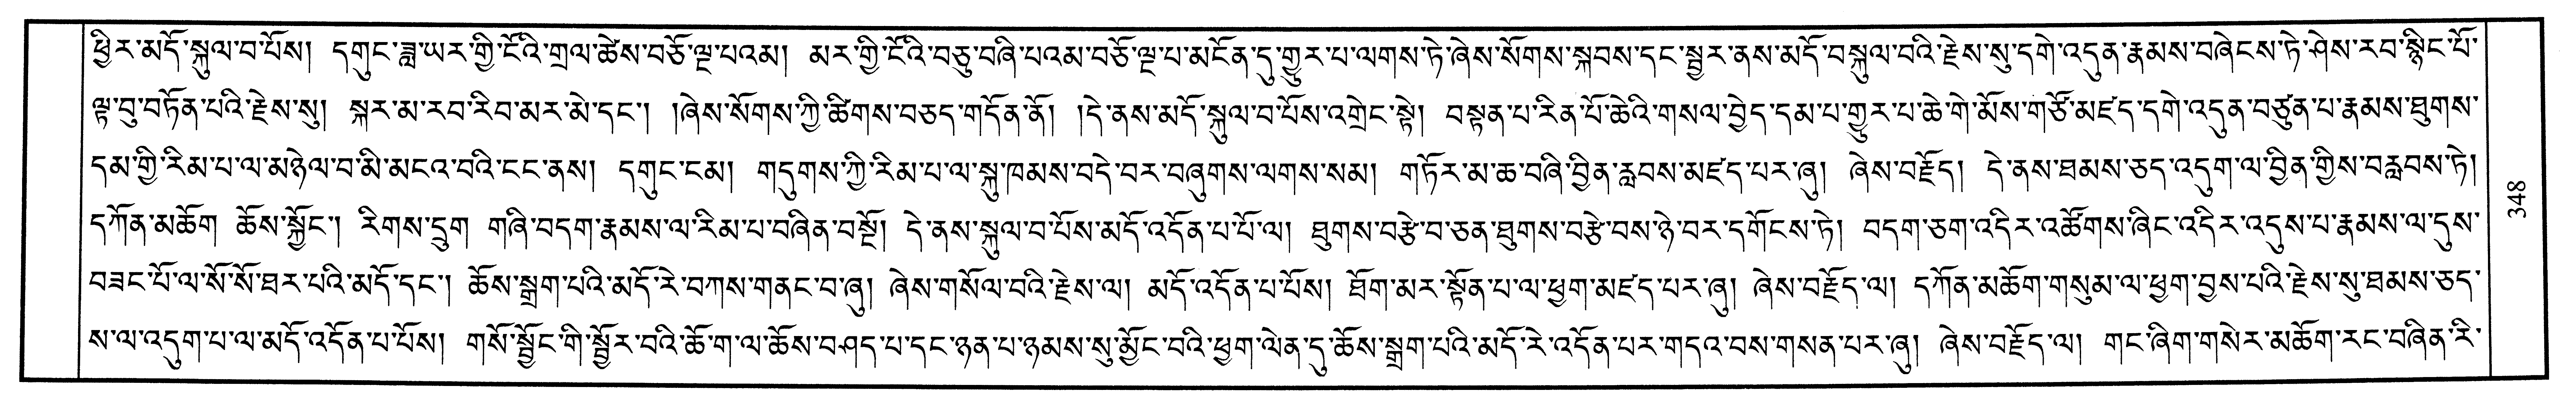ཕྱིར་མདོ་སྐུལ་བ་པོས། །དགུང་ཟླ་ཡར་གྱི་ངོའི་གྲལ་ཚེས་བཅོ་ལྔ་པའམ། མར་གྱི་ངོའི་བཅུ་བཞི་པའམ་བཅོ་ལྔ་པ་མངོན་དུ་གྱུར་པ་ལགས་ཏེ་ཞེས་སོགས་སྐབས་དང་སྦྱར་ནས་མདོ་བསྐུལ་བའི་རྗེས་སུ་དགེ་འདུན་རྣམས་བཞེངས་ཏེ་ཤེས་རབ་སྙིང་པོ་
ལྟ་བུ་བཏོན་པའི་རྗེས་སུ། སྐར་མ་རབ་རིབ་མར་མེ་དང་། །ཞེས་སོགས་ཀྱི་ཚིགས་བཅད་གདོན་ནོ། །དེ་ནས་མདོ་སྐུལ་བ་པོས་འགྲེང་སྟེ། བསྟན་པ་རིན་པོ་ཆེའི་གསལ་བྱེད་དམ་པ་གྱུར་པ་ཆེ་གེ་མོས་གཙོ་མཛད་དགེ་འདུན་བཙུན་པ་རྣམས་ཐུགས་
དམ་གྱི་རིམ་པ་ལ་མཉེལ་བ་མི་མངའ་བའི་ངང་ནས། དགུང་ངམ། གདུགས་ཀྱི་རིམ་པ་ལ་སྐུ་ཁམས་བདེ་བར་བཞུགས་ལགས་སམ། གཏོར་མ་ཆ་བཞི་བྱིན་རླབས་མཛད་པར་ཞུ། ཞེས་བརྗོད། དེ་ནས་ཐམས་ཅད་འདུག་ལ་བྱིན་གྱིས་བརླབས་ཏེ།
དཀོན་མཆོག་ཆོས་སྐྱོང་། རིགས་དྲུག་གཞི་བདག་རྣམས་ལ་རིམ་པ་བཞིན་བསྔོ། དེ་ནས་སྐུལ་བ་པོས་མདོ་འདོན་པ་པོ་ལ། ཐུགས་བརྩེ་བ་ཅན་ཐུགས་བརྩེ་བས་ཉེ་བར་དགོངས་ཏེ། བདག་ཅག་འདིར་འཚོགས་ཞིང་འདིར་འདུས་པ་རྣམས་ལ་དུས་
བཟང་པོ་ལ་སོ་སོ་ཐར་པའི་མདོ་དང་། ཆོས་སྒྲག་པའི་མདོ་རེ་བཀས་གནང་བ་ཞུ། ཞེས་གསོལ་བའི་རྗེས་ལ། མདོ་འདོན་པ་པོས། ཐོག་མར་སྟོན་པ་ལ་ཕྱག་མཛད་པར་ཞུ། ཞེས་བརྗོད་ལ། དཀོན་མཆོག་གསུམ་ལ་ཕྱག་བྱས་པའི་རྗེས་སུ་ཐམས་ཅད་
ས་ལ་འདུག་པ་ལ་མདོ་འདོན་པ་པོས། གསོ་སྦྱོང་གི་སྦྱོར་བའི་ཆོ་ག་ལ་ཆོས་བཤད་པ་དང་ཉན་པ་ཉམས་སུ་མྱོང་བའི་ཕྱག་ལེན་དུ་ཆོས་སྒྲག་པའི་མདོ་རེ་འདོན་པར་གདའ་བས་གསན་པར་ཞུ། ཞེས་བརྗོད་ལ། གང་ཞིག་གསེར་མཆོག་རང་བཞིན་རི་